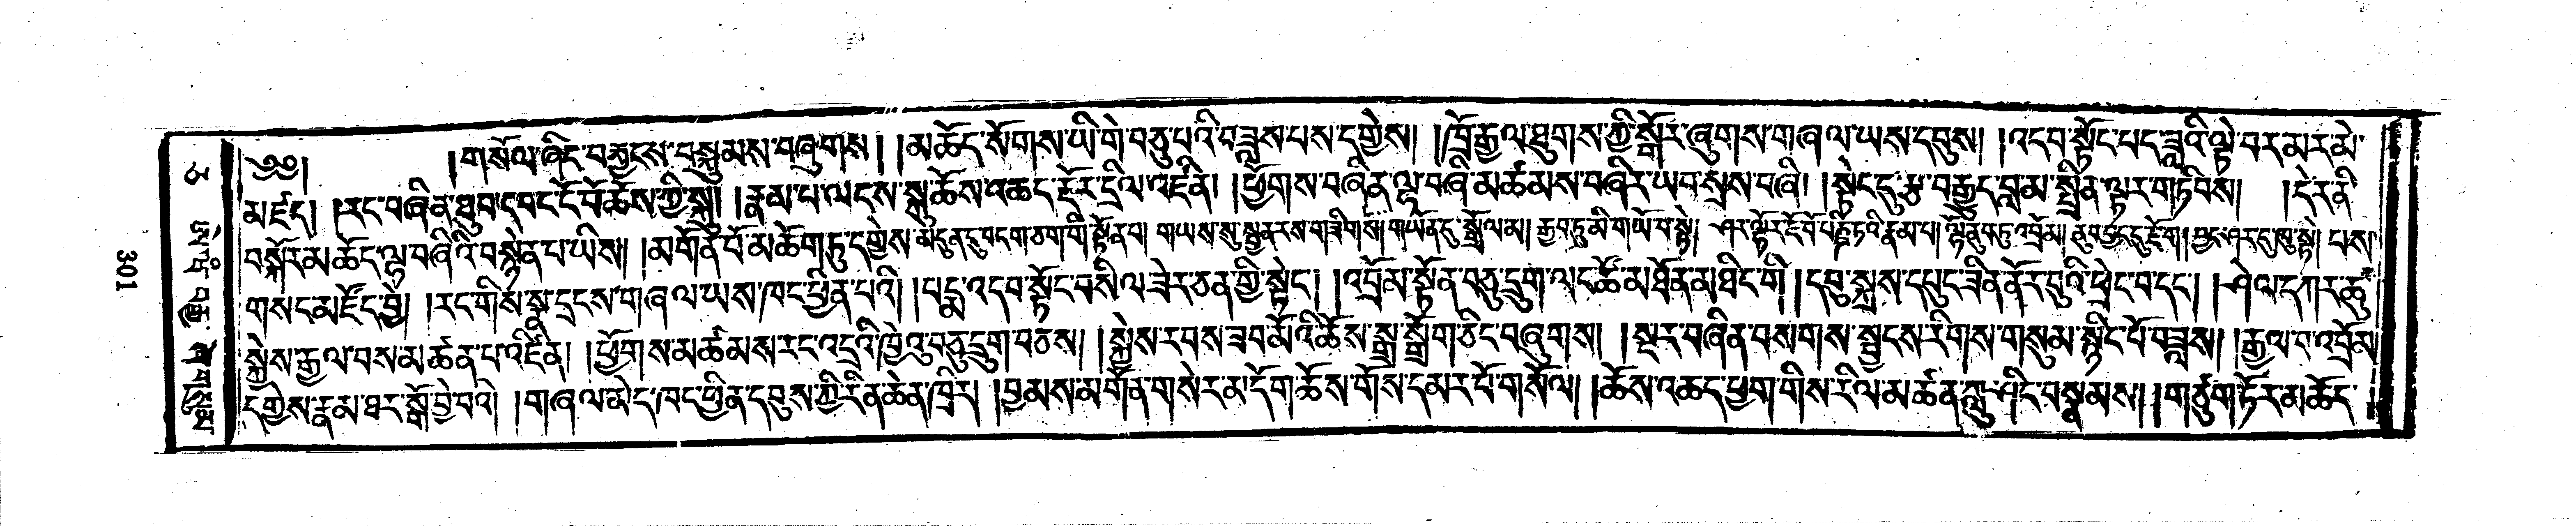༄༅། །གསོལ་ཞིང་བརྐྱངས་བསྐུམས་བཞུགས། །མཆོད་སོགས་ཡི་གེ་བཅུ་པའི་བཟླས་པས་དགྱེས། །ཁྲོ་རྒྱལ་ཐུགས་ཀྱི་སྒོར་ཞུགས་གཞལ་ཡས་དབུས། །འདབ་སྟོང་པད་ཟླའི་ལྟེ་བར་མར་མེ་
མཛད། །རང་བཞིན་ཐུབ་དབང་ངོ་བོ་ཆོས་ཀྱི་སྐུ། །རྣམ་པ་ལོངས་སྐུ་ཆོས་འཆད་རྡོར་དྲིལ་འཛིན། །ཕྱོགས་བཞིར་ལྷ་བཞི་མཚམས་བཞིར་ཡབ་སྲས་བཞི། །སྟེང་དུ་རྩ་བརྒྱུད་བླ་མ་སྤྲིན་ལྟར་གཏིབས། །དེར་ནི་
བསྐོར་མཆོད་ལྷ་བཞིའི་བསྙེན་པ་ཡིས། །མགོན་པོ་མཆོག་ཏུ་དགྱེས་མདུན་དུ་བདག་ཅག་གི་སྟོན་པ། གཡས་སུ་སྤྱན་རས་གཟིགས། གཡོན་དུ་སྒྲོལ་མ། རྒྱབ་ཏུ་མི་གཡོ་བ་སྟེ། ཤར་ལྷོར་ཇོ་བོ་པཎྜིཏའི་རྣམ་པ། ལྷོ་ནུབ་ཏུ་འབྲོམ། ནུབ་བྱང་དུ་རྔོག །བྱང་ཤར་དུ་ཁུ་སྟེ།  པས་
གསང་མཛོད་བྱེ། །རང་གིས་སྣ་དྲངས་གཞལ་ཡས་ཁང་ཕྱིན་པའི། །པདམ་འདབ་སྟོང་བསིལ་ཟེར་ཅན་གྱི་སྟེང་། །འབྲོམ་སྟོན་བཅུ་དྲུག་ལང་ཚོ་མཐོན་མཐིང་གི །དབུ་སྐྲས་དཔུང་ཟིན་ནོར་བུའི་ཕྲེང་བ་དང་། །ཤེལ་དཀར་ཆུ་
སྐྱེས་རྒྱལ་བས་མཚན་པ་འཛིན། །ཕྱོགས་མཚམས་རང་འདྲའི་ཁྱེའུ་བཅུ་དྲུག་བཅས། །སྐྱེས་རབས་ཟབ་མོའི་ཆོས་སྒྲ་སྒྲོག་ཅིང་བཞུགས། །སྔར་བཞིན་བསགས་སྦྱངས་རིགས་གསུམ་སྙིང་པོ་བཟླས། །རྒྱལ་བ་འབྲོམ་
དགྱེས་རྣམ་ཐར་སྒོ་བྱེ་བའི། །གཞལ་མེད་ཁང་ཕྱིན་དབུས་ཀྱི་རིན་ཆེན་ཁྲིར། །བྱམས་མགོན་གསེར་མདོག་ཆོས་གོས་དམར་པོ་གསོལ། །ཆོས་འཆད་ཕྱག་གིས་རིལ་མཚན་ཀླུ་ཤིང་བསྣམས། །གཙུག་ཏོར་མཆོད་